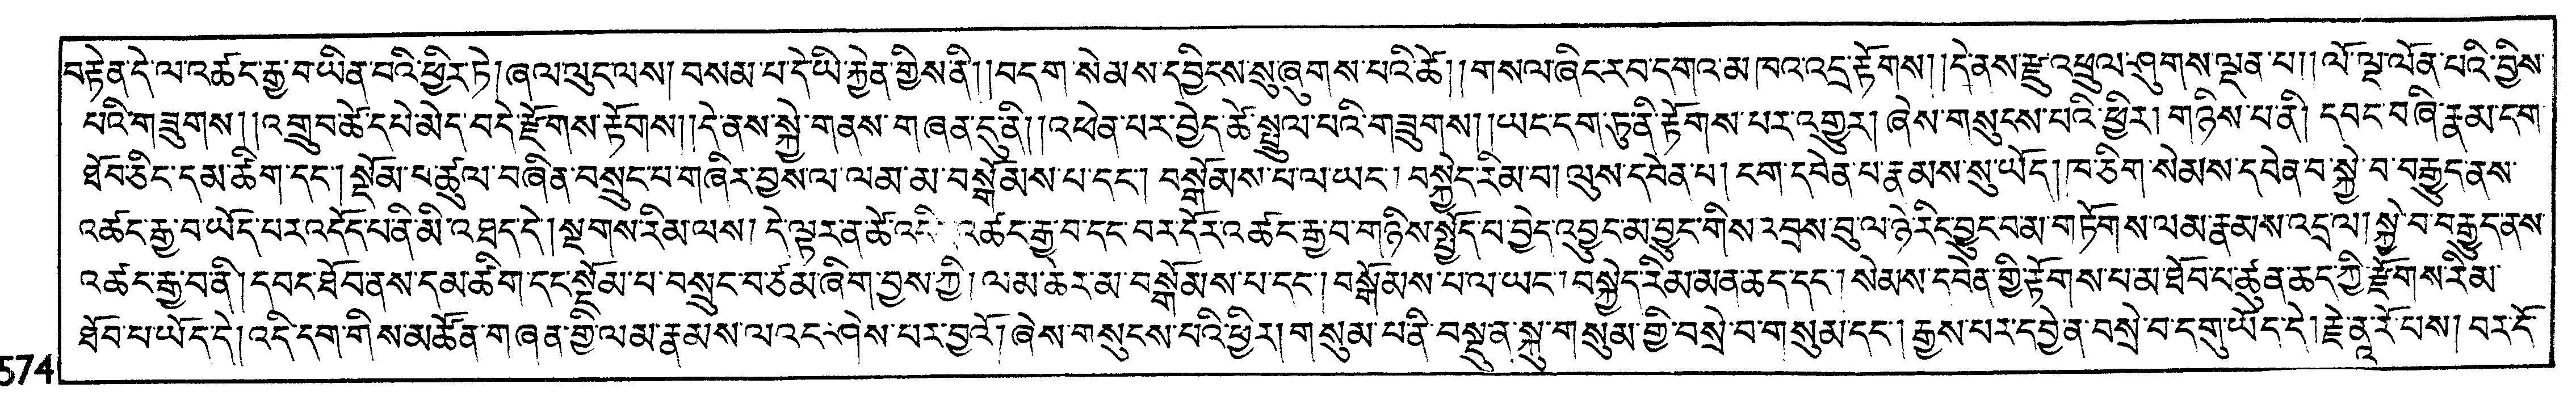བརྟེན་དེ་ལ་འཚང་རྒྱ་བ་ཡིན་པའི་ཕྱིར་ཏེ། ཞལ་ལུང་ལས། བསམ་པ་དེ་ཡི་རྐྱེན་གྱིས་ནི། །བདག་སེམས་དབྱིངས་སུ་ཞུགས་པའི་ཚེ། །གསལ་ཞིང་རབ་དགའ་མཁའ་འདྲ་རྟོགས། །དེ་ནས་རྫུ་འཕྲུལ་ཤུགས་ལྡན་པ། །ལོ་ལྔ་ལོན་པའི་བྱིས་
པའི་གཟུགས། །འགྲུབ་ཚེ་དཔེ་མེད་བདེ་རྫོགས་རྟོགས། །དེ་ནས་སྐྱེ་གནས་གཞན་དུ་ནི། །འཕེན་པར་བྱེད་ཚེ་སྤྲུལ་པའི་གཟུགས། །ཡང་དག་ཏུ་ནི་རྟོགས་པར་འགྱུར། ཞེས་གསུངས་པའི་ཕྱིར། གཉིས་པ་ནི། དབང་བཞི་རྣམ་དག་
ཐོབ་ཅིང་དམ་ཚིག་དང་། སྡོམ་པ་ཚུལ་བཞིན་བསྲུང་པ་གཞིར་བྱས་ལ་ལམ་མ་བསྒོམས་པ་དང་། བསྒོམས་པ་ལ་ཡང་། བསྐྱེད་རིམ་པ། ལུས་དབེན་པ། ངག་དབེན་པ་རྣམས་སུ་ཡོད། ཁ་ཅིག་སེམས་དབེན་པ་སྐྱེ་བ་བརྒྱུད་ནས་
འཚང་རྒྱ་བ་ཡོད་པར་འདོད་པ་ནི་མི་འཐད་དེ། སྔགས་རིམ་ལས། དེ་ལྟར་ན་ཚེ་འདིར་འཚང་རྒྱ་བ་དང་བར་དོར་འཚང་རྒྱ་བ་གཉིས་སྤྱོད་པ་བྱེད་འབྱུང་མ་བྱུང་གིས་འབྲས་བུ་ལ་ཉེ་རིང་བྱུང་བ་མ་གཏོགས་ལམ་རྣམས་འདྲ་ལ། སྐྱེ་བ་བརྒྱུད་ནས་
འཚང་རྒྱ་བ་ནི། དབང་ཐོབ་ནས་དམ་ཚིག་དང་སྡོམ་པ་བསྲུང་བ་ཙམ་ཞིག་བྱས་ཀྱི། ལམ་ཆེར་མ་བསྒོམས་པ་དང་། བསྒོམས་པ་ལ་ཡང་། བསྐྱེད་རིམ་མན་ཆད་དང་། སེམས་དབེན་གྱི་རྟོགས་པ་མ་ཐོབ་པ་ཚུན་ཆད་ཀྱི་རྫོགས་རིམ་
ཐོབ་པ་ཡོད་དེ། འདི་དག་གིས་མཚོན་གཞན་གྱི་ལམ་རྣམས་ལའང་ཤེས་པར་བྱའོ། ཞེས་གསུངས་པའི་ཕྱིར། གསུམ་པ་ནི་བསྡུ་ན་སྐུ་གསུམ་གྱི་བསྲེ་བ་གསུམ་དང་། རྒྱས་པར་དབྱེ་ན་བསྲེ་བ་དགུ་ཡོད་དེ། རྗེ་ནཱ་རོ་པས། བར་དོ་